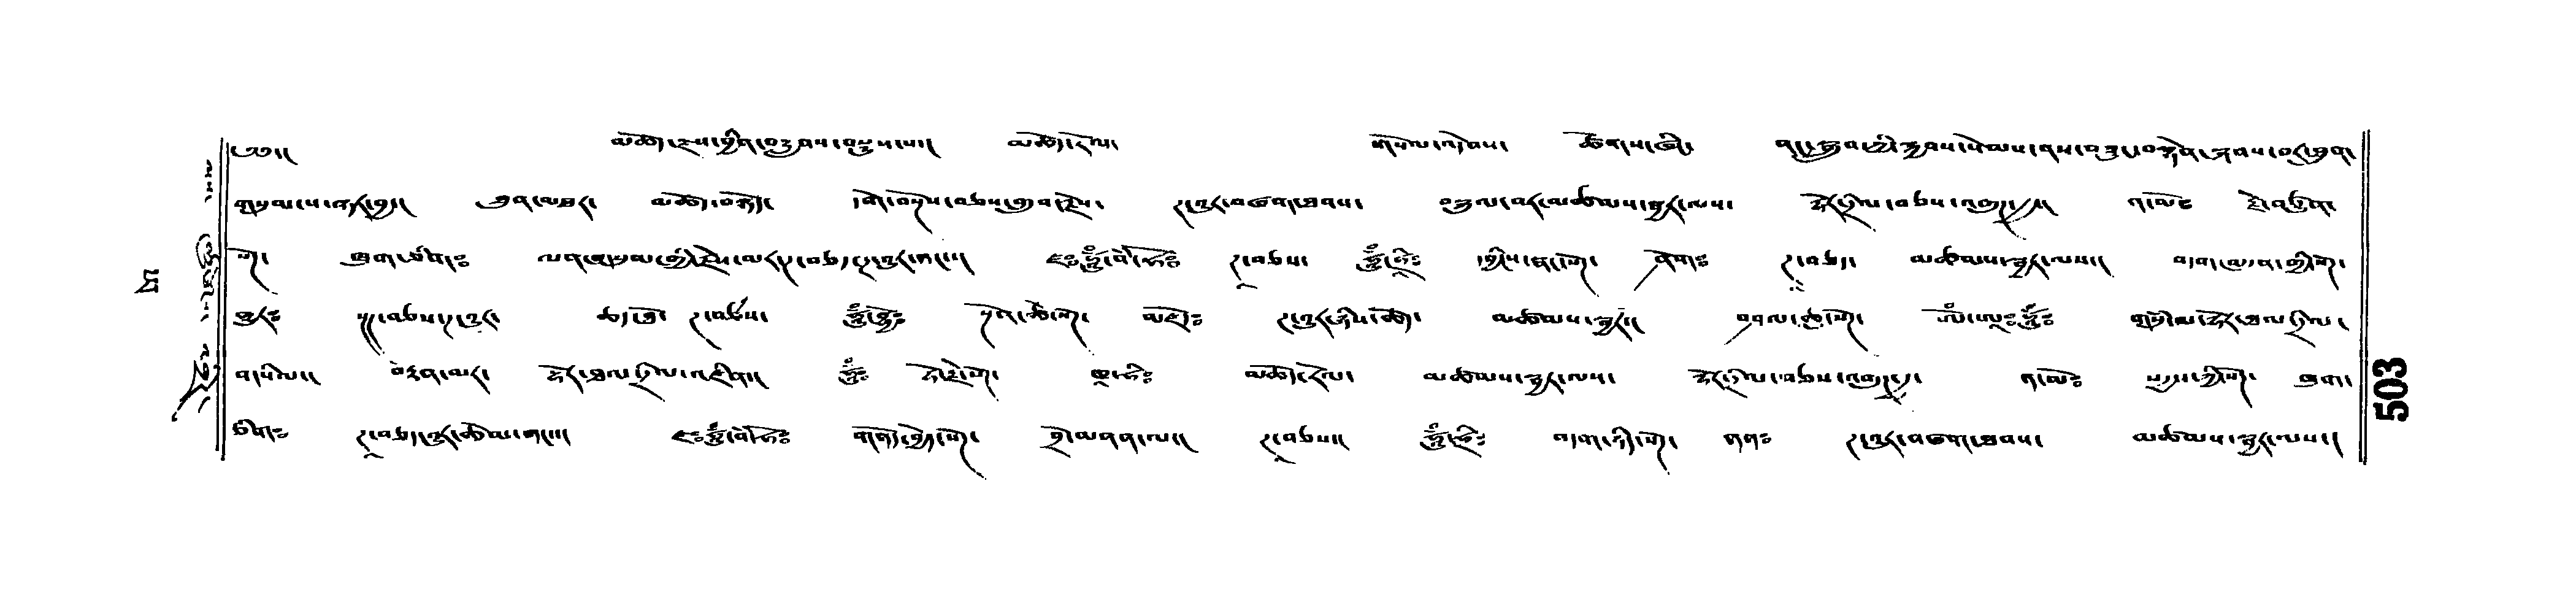མཆོད་རྫས་བྱིན་བརླབས་བསྡུས་པ། མཆོད་རོལ། གསོལ་འདེབས། ཚོགས་ཞིང་། ནང་སྒྲུབ་ཀྱི་སྐྱབས་སེམས་ནས་བཟུང་བསྙེན་སྐབས་བར་ཐུན་
གསུམ་པ་ལྟར་བྱ། ཐུན་མཐར། མཆོད་བསྟོད། དགེ་བསྔོ་བཅས་གྲུབ་རྗེས། ཌཱ་འུར་བཞག་ཐབས། བསྐུལ་བར་མཚམས་སྦྱར་ལས། རྡོར་དྲིལ་བཅས་འགུགས་རྒྱ། ན་མོ༔ རྗེ་བཙུན་
སོགས། ཁུག་ཅིག༔ ལན་གསུམ་གྱི་རྗེས་མར་ཌཱ་བཅད་ཌཱ་འུར་གང་། ས ཛཿཧཱུྃ་བཾ་ཧོཿ ཌཱ་བཅས། ཧཱུྃ་ཧྲཱིཿ དབྱིངས་སྣང་སོགས། ཤོག༔ ཌཱ་བཅད། མཚམས་སྦྱར་ལས།བདག་མདུན་གྱི་སོགས། 
གྱུར༔ སྔགས་བཅས་ཌཱ་འུར། ཆད་ཐོ། ཌཱ་བཅས་གཅིག ཧཱུྃ་བྷྱོ༔ སྔོན་ཚེ་སོགས། མཛོད༔ ཌཱ་འུར་ཉིས་བཅོད། མཚམས་སྦྱར། བཤལ་ཆུ་སོགས། ཨོཾ་ཨཱཿཧཱུྃ༔ གསུམ་ལ་རྡོར་ཐལ་དྲིལ་
གསིལ། བརྟན་མར། རྡོར་ཐལ་དྲིལ་འཛིན། ཧཱུྃ༔ རྡོ་རྗེ་སོགས། ཁཱ་ཧིཿ མཆོད་རོལ། མཚམས་སྦྱར་ལས། རྡོར་དྲིལ་བཅས་འགུགས་རྒྱ། ན་མོ༔ སངས་རྒྱས་སོགས། ཁུག་
ཅིག༔ ཌཱ་བཅད་འུར་ཆེམ་ནང་། ཛཿཧཱུྃ་བཾ་ཧོ༔ གནོད་བྱེད་སོགས། བྲོ་མནན་ལ། ཌཱ་བཅས། ཧཱུྃ་ཧྲིཿ བདག་ཉིད་སོགས། ནན༔ ཌཱ་འུར་བཞག་ཐབས། མཚམས་སྦྱར་ལས།